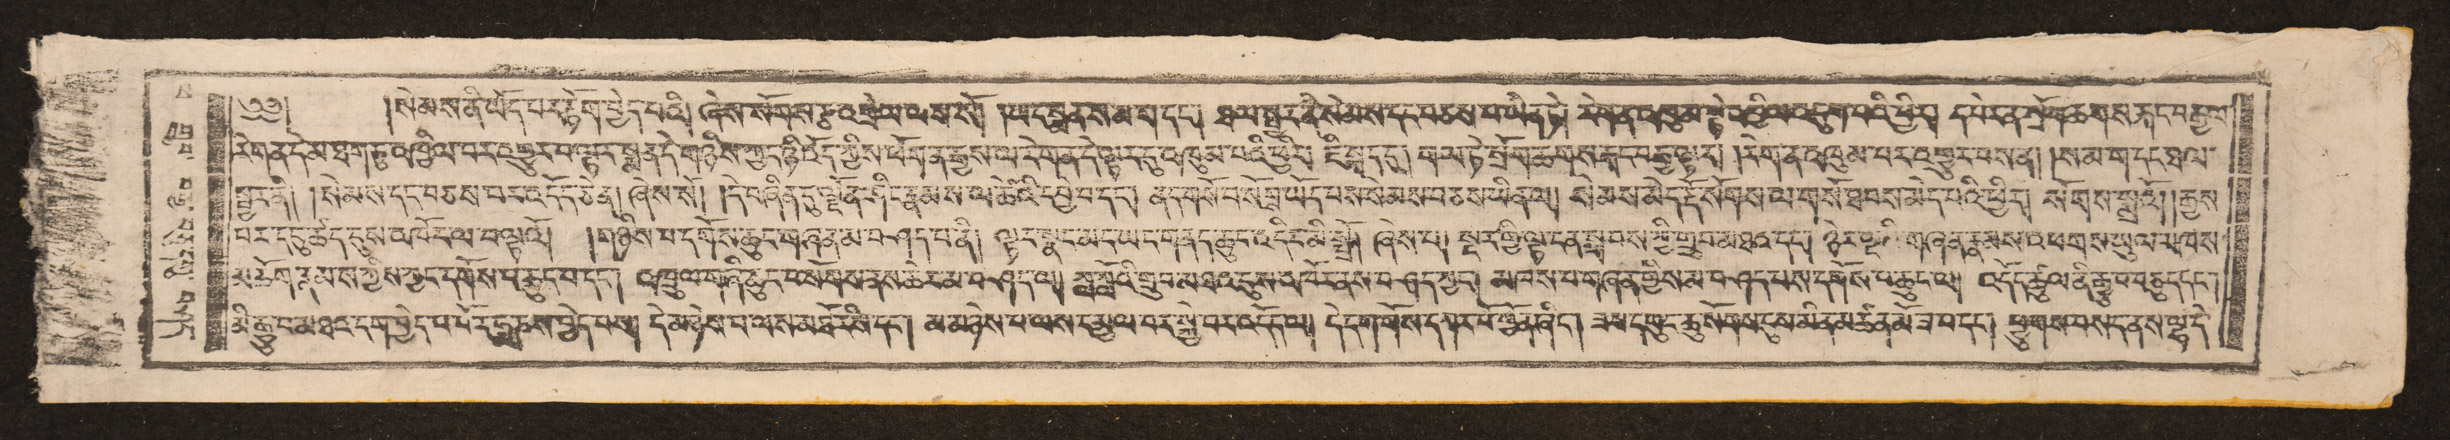༄༅། །སེམས་ནི་ཡོད་པར་རྟོག་བྱེད་པའི། ཞེས་སོགས་རྩ་འགྲེལ་ལས་སོ། །ཡང་སྨན་ས་མག་དང་། ཐལ་སྦྱར་ནི་སེམས་དང་བཅས་པ་ཡིན་ཏེ། རེག་ན་འཁུམ་སྟེ་འཁྱིལ་འདུག་པའི་ཕྱིར། དཔེར་ན་སྲོག་ཆགས་རྐང་བརྒྱ་ལ་
རེག་ན་དེ་མ་ཐག་ཏུ་འཁྱིལ་བར་འགྱུར་བ་ལྟར་སྨན་དེ་གཉིས་ཀྱང་ཉི་འོད་ཀྱིས་ཕོག་ན་རྒྱས་ལ་རེག་ན་དེ་ལྟར་དུ་འཁུམ་པའི་ཕྱིར། ཇི་སྐད་དུ། གལ་ཏེ་སྲོག་ཆགས་རྐང་བརྒྱ་ལྟར། །རེག་ན་འཁུམ་པར་འགྱུར་བས་ན། །ས་མ་ག་དང་ཐལ་
སྦྱར་ནི། །སེམས་དང་བཅས་པར་འདོད་ཅེ་ན། ཞེས་སོ། །དེ་བཞིན་དུ་ལྗོན་ཤིང་རྣམས་ལ་ཚེའི་དབྱེ་བ་དང་། ནད་གསོ་བ་སོགས་ཡོད་པས་སེམས་བཅས་ཡིན་ལ། སེམས་མེད་རྡོ་སོགས་ལ་གསོ་ཐབས་མེད་པའི་ཕྱིར། སོགས་སྨྲའོ། །རྒྱས་
པར་དངུ་ཚད་དུས་འཁོར་ལ་བལྟའོ། །གཉིས་པ་དགོས་ཆུང་གཞན་མ་བཤད་པ་ནི། ལྟར་སྣང་མང་ཡང་གནད་ཆུང་འདིར་མི་སྤྲོ། ཞེས་པ། སྔར་གྱི་ལྟ་ངན་སྐབས་ཀྱི་གྲུབ་མཐའ་དང་། ཉེར་ལྔའི་གཞན་རྣམས་འཕགས་ཡུལ་མཁས་
མཆོག་རྣམས་ཀྱིས་ཀྱང་དགོས་པ་ཆུད་པ་དང་། འཁྲུལ་གཞི་ཆུང་བ་སོགས་ནས་ཆེར་མ་བཤད་ལ། ཀླ་ཀློའི་གྲུབ་མཐའ་དུས་འཁོར་ནས་བཤད་ཀྱང་། མཁས་པ་གཞན་གྱིས་མ་བཤད་པས་དགོས་པ་ཆུང་ལ། འདོད་ཚུལ་ནི་རྒྱུ་བ་བཅུད་དང་།
མི་རྒྱུ་བ་མཐའ་དག་བྱེད་པ་པོར་ཧྨ་ཎས་བྱེད་པས། དེ་མཉེས་པ་ལས་མཐོ་རིས་དང་། མ་མཉེས་པ་ལས་དམྱལ་བར་སྐྱེ་བར་འདོད་ལ། དེ་དག་གོས་དཀར་པོ་གྱོན་ཞིང་། ཟས་དགུང་ཆུ་སོགས་དུས་མིན་མཚན་མོ་ཟ་བ་དང་། ཕྱུགས་བསད་ནས་ལྷ་དེ་